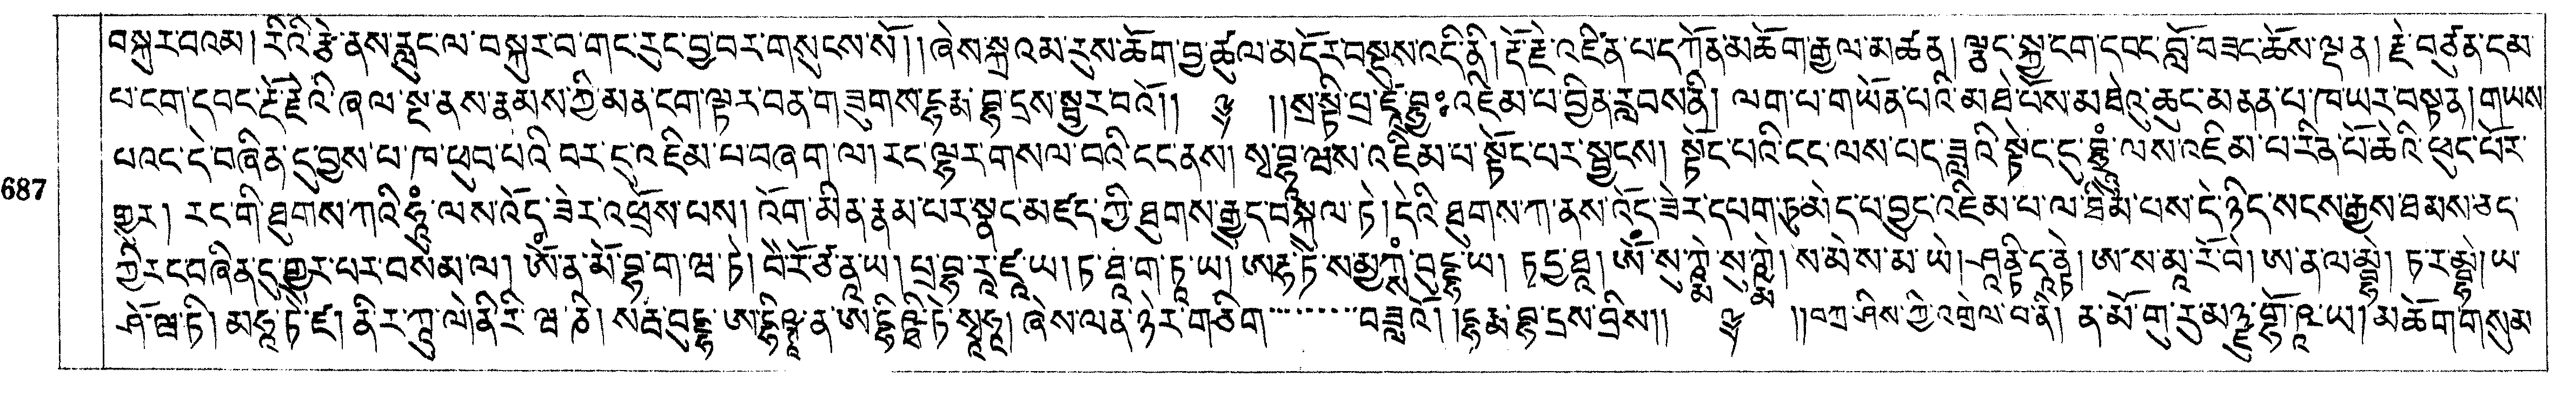བསྐུར་བའམ། རིའི་རྩེ་ནས་རླུང་ལ་བསྐུར་བ་གང་རུང་བྱ་བར་གསུངས་སོ། །ཞེས་སྐྲའམ་རུས་ཆོག་བྱ་ཚུལ་མདོར་བསྡུས་འདི་ནི། རྡོ་རྗེ་འཛིན་པ་དཀོན་མཆོག་རྒྱལ་མཚན། ལྕང་སྐྱ་ངག་དབང་བློ་བཟང་ཆོས་ལྡན། རྗེ་བཙུན་དམ་
པ་ངག་དབང་རྡོ་རྗེའི་ཞལ་སྔ་ནས་རྣམས་ཀྱི་མན་ངག་ལྟར་བན་གཟུགས་དྷརྨ་བྷ་དྲས་སྦྱར་བའོ།། ༈ །།སྲ་སྟི་པྲ་ཛཱ་བྷྱཿ འཇིམ་པ་བྱིན་རླབས་ནི། ལག་པ་གཡོན་པའི་མཐེ་པོས་མཐེའུ་ཆུང་མནན་པ་ཁ་ཡར་བསྟན། གཡས་
པའང་དེ་བཞིན་དུ་བྱས་པ་ཁ་ཕུབ་པའི་བར་དུ་འཇིམ་པ་བཞག་ལ། རང་ལྷར་གསལ་བའི་ངང་ནས། སྭ་བྷཱ་ཝས་འཇིམ་པ་སྟོང་པར་སྦྱངས། སྟོང་པའི་ངང་ལས་པད་ཟླའི་སྟེང་དུ་བྷྲཱུཾ་ལས་འཇིམ་པ་རིན་པོ་ཆེའི་ཕུང་པོར་
གྱུར། རང་གི་ཐུགས་ཀའི་ཧཱུཾ་ལས་འོད་ཟེར་འཕྲོས་པས། འོག་མིན་རྣམ་པར་སྣང་མཛད་ཀྱི་ཐུགས་རྒྱུད་བསྐུལ་ཏེ། དེའི་ཐུགས་ཀ་ནས་འོད་ཟེར་དཔག་ཏུ་མེད་པ་བྱུང་འཇིམ་པ་ལ་ཐིམ་པས་དེ་ཉིད་སངས་རྒྱས་ཐམས་ཅད་
ཀྱི་རང་བཞིན་དུ་གྱུར་པར་བསམ་ལ། ཨོཾ་ན་མོ་བྷ་ག་ཝ་ཏེ། བཻ་རོ་ཙ་ནཱ་ཡ། པྲ་བྷ་རཱ་ཛཱ་ཡ། ཏ་ཐཱ་ག་ཏཱ་ཡ། ཨརྷ་ཏཻ་ས་མྱ་ཀཾས་བུདྡྷ་ཡ། ཏ་དྱ་ཐའ། ཨོཾ་སུ་ཀྵམེ། ས་མེ་ས་མ་ཡེ། ཤཱནྟི་དཱ་ནྟེ། ཨ་ས་མཱ་རོ་བེ། ཨ་ན་ལ་མྦྷེ། ཏ་ར་མྦྷེ། ཡ་
ཤོ་ཝ་ཏི། མཧཱ་ཏེ་ཛ། ནི་ར་ཀཱུ་ལེ། ནི་རི་ཝ་ཎི། སརྦ་བུདྡྷ་ཨ་དྷི་ཥྚཱ་ན་ཨ་དྷི་ཥཊཿཨི་ཏེ་སྭཱ་ཧཱ། ཞེས་ལན་ཉེར་གཅིག་བཟླའོ། །དྷ་རྨ་བྷ་དྲས་བྲིས།། ༈ །།  བཀྲ་ཤིས་ཀྱི་འགྲེལ་བ་ནི།  ན་མོ་གུ་རུ་མཉྫུ་གྷོ་ཥཱ་ཡ། མཆོག་གསུམ་